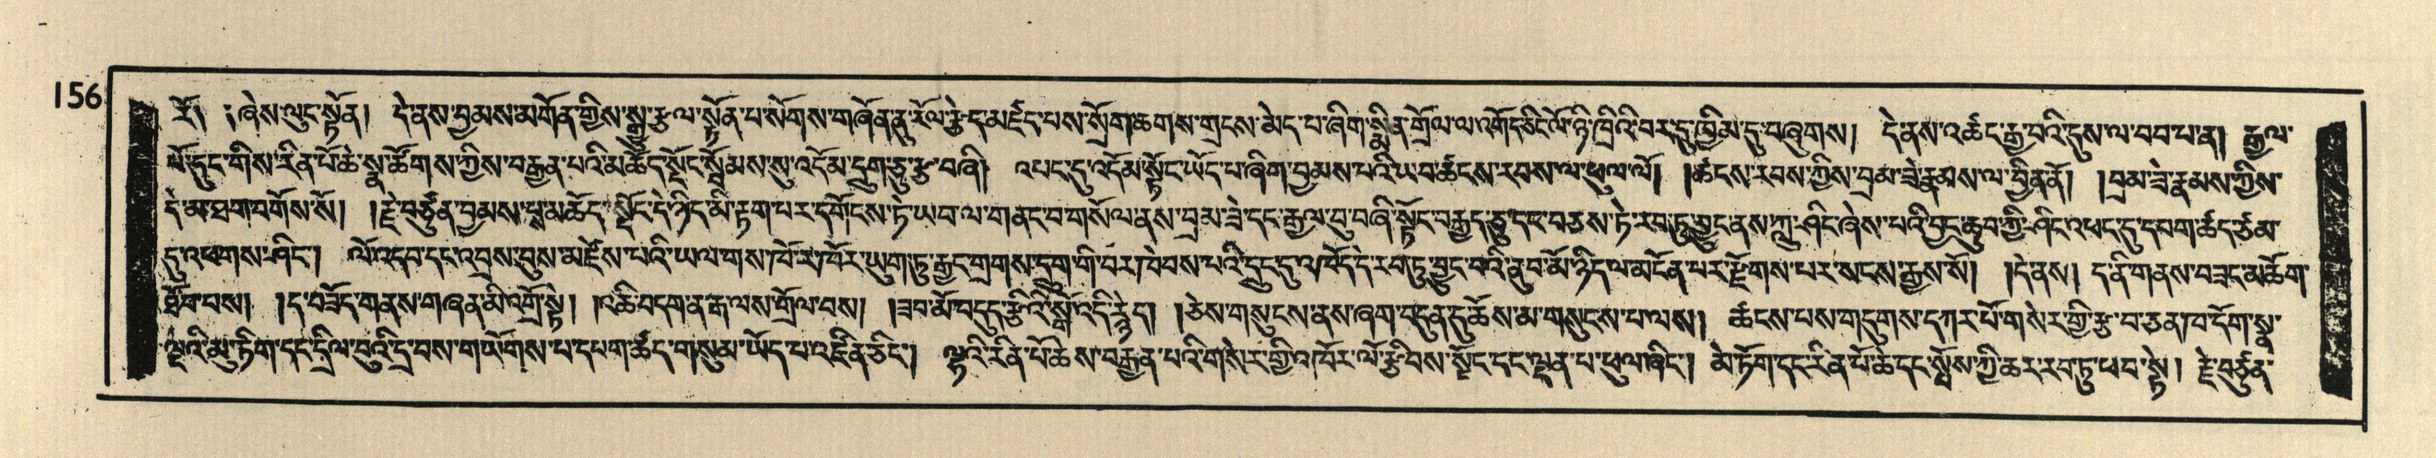རོ། ༑ཞེས་ལུང་སྟོན། དེ་ནས་བྱམས་མགོན་གྱིས་སྒྱུ་རྩལ་སྟོན་པ་སོགས་གཞོན་ནུ་རོལ་རྩེད་མཛད་པས་སྲོག་ཆགས་གྲངས་མེད་པ་ཞིག་སྨིན་གྲོལ་ལ་འགོད་ཅིང་ལོ་ཉི་ཁྲིའི་བར་དུ་ཁྱིམ་དུ་བཞུགས། དེ་ནས་འཚང་རྒྱ་བའི་དུས་ལ་བབ་པ་ན། རྒྱལ་
པོ་དུང་གིས་རིན་པོ་ཆེ་སྣ་ཚོགས་ཀྱིས་བརྒྱན་པའི་མཆོད་སྡོང་སྦོམས་སུ་འདོམ་དྲུག་ཅུ་རྩ་བཞི། འཕང་དུ་འདོམ་སྟོང་ཡོད་པ་ཞིག་བྱམས་པའི་ཡབ་ཚངས་རབས་ལ་ཕུལ་ལོ། །ཚངས་རབས་ཀྱིས་བྲམ་ཟེ་རྣམས་ལ་བྱིན་ནོ། །བྲམ་ཟེ་རྣམས་ཀྱིས་
དེ་མ་ཐག་བགོས་སོ། །རྗེ་བཙུན་བྱམས་པས་མཆོད་སྡོང་དེ་ཉིད་མི་རྟག་པར་དགོངས་ཏེ་ཡབ་ལ་གནང་བ་གསོལ་ནས་བྲམ་ཟེ་དང་རྒྱལ་བུ་བཞི་སྟོང་བརྒྱད་ཅུ་དང་བཅས་ཏེ་རབ་ཏུ་བྱུང་ནས་ཀླུ་ཤིང་ཞེས་པའི་བྱང་ཆུབ་ཀྱི་ཤིང་འཕང་དུ་དཔག་ཚད་ཙམ་
དུ་འཕགས་ཤིང་། ལོ་འདབ་དང་འབྲས་བུས་མཛེས་པའི་ཡལ་གས་ཁོར་ཁོར་ཡུག་ཏུ་རྒྱང་གྲགས་དྲུག་གི་བར་ཁེབས་པའི་དྲུང་དུ་འཁོད་དེ་རབ་ཏུ་བྱུང་བའི་ནུབ་མོ་ཉིད་ལ་མངོན་པར་རྫོགས་པར་སངས་རྒྱས་སོ། །དེ་ནས། ད་ནི་གནས་བཟང་མཆོག་
ཐོབ་པས། །ད་བཟོད་གནས་གཞན་མི་འགྲོ་སྟེ། །འཆི་བདག་ན་རྒ་ལས་གྲོལ་བས། །ཟབ་མོ་བདུད་རྩིའི་སྒོ་འདི་རྙེད། །ཅེས་གསུངས་ནས་ཞག་བདུན་དུ་ཆོས་མ་གསུངས་པ་ལས། ཚངས་པས་གདུགས་དཀར་པོ་གསེར་གྱི་རྩ་བ་ཅན་ཁ་དོག་སྣ་
ལྔའི་མུ་ཏིག་དང་དྲིལ་བུའི་དྲ་བས་གཡོགས་པ་དཔག་ཚད་གསུམ་ཡོད་པ་འཛིན་ཅིང་། ལྷའི་རིན་པོ་ཆེས་བརྒྱན་པའི་གསེར་གྱི་འཁོར་ལོ་རྩིབས་སྡོང་དང་ལྡན་པ་ཕུལ་ཞིང་། མེ་ཏོག་དང་རིན་པོ་ཆེ་དང་སྤོས་ཀྱི་ཆར་རབ་ཏུ་ཕབ་སྟེ། རྗེ་བཙུན་